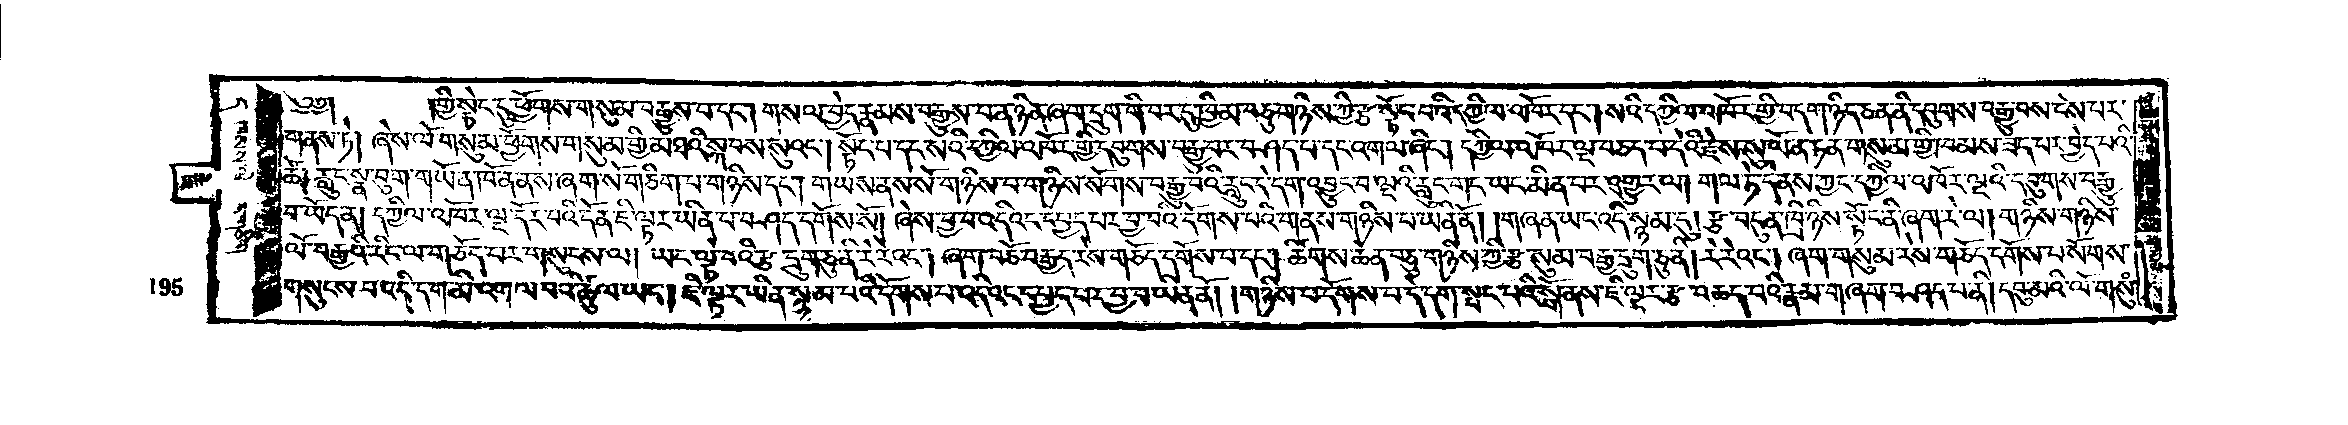༄༅། །གྱི་སྟེང་དུ་ཕྱོགས་གསུམ་བརྒྱུས་པ་དང་། གསལ་བྱེད་རྣམས་བརྒྱུས་པ་ན་ཉིན་ཞག་དྲུག་གི་བར་དུ་ཁྱིམ་བཅུ་གཉིས་ཀྱི་རྩ་སྟོང་པའི་དཀྱིལ་འཁོར་དང་། སའི་དཀྱིལ་འཁོར་གྱི་བདག་ཉིད་ཅན་ནི་དབུགས་བརྒྱུ་བས་ངེས་པར་
གནས་ཏེ། ཞེས་ལོ་གསུམ་ཕྱོགས་གསུམ་གྱི་མཐའི་སྐབས་སུའང་། སྟོང་པ་དང་སའི་དཀྱིལ་འཁོར་གྱི་དབུགས་བརྒྱུ་བར་བཤད་པ་དང་འགལ་ཞིང་། དཀྱིལ་འཁོར་ལྔ་བཅད་པ་དེའི་རྗེས་སུ་ཡོན་ཏན་གསུམ་གྱི་ཁམས་ཟད་པར་བྱེད་པའི་
ཚེ། རླུང་སྣ་བུག་གཡོན་ཁོ་ན་ནས་ཞག་སོ་གཅིག་པ་གཉིས་དང་། གཡས་ནས་སོ་གཉིས་པ་གཉིས་སོགས་བརྒྱུ་བའི་རླུང་དེ་དག་འབྱུང་བ་ལྔའི་རླུང་གང་ཡང་མིན་པར་འགྱུར་ལ། གལ་ཏེ་དེ་ནས་ཀྱང་དཀྱིལ་འཁོར་ལྔའི་དབུགས་བརྒྱུ་
བ་ཡོད་ན། དཀྱིལ་འཁོར་ལྔ་དོར་བའི་དོན་ཇི་ལྟར་ཡིན་པ་བཤད་དགོས་སོ། ཞེས་བྱ་བ་འདིའང་དཔྱད་པར་བྱ་བའི་དོགས་པའི་གནས་གཉིས་པ་ཡིན་ནོ། །གཞན་ཡང་འདི་སྙམ་དུ། རྩ་བདུན་ཁྲི་ཉིས་སྟོང་ནི་ཞག་རེ་ལ། གཉིས་གཉིས་
ལོ་བརྒྱའི་རིང་ལ་གཅོད་པར་གསུངས་ལ། ཡང་ལྟེ་བའི་རྩ་དྲུག་ཅུ་ནི་རེ་རེའང་། ཞག་བཅོ་བརྒྱད་རེས་གཅོད་དགོས་པ་དང་། ཚིགས་ཆེན་བཅུ་གཉིས་ཀྱི་རྩ་སུམ་བརྒྱ་དྲུག་ཅུ་ནི། རེ་རེའང་། ཞག་གསུམ་རེས་གཅོད་དགོས་པ་སོགས་
གསུངས་པ་འདི་དག་མི་འགལ་བའི་ཚུལ་ཡང་། ཇི་ལྟར་ཡིན་སྙམ་པའི་དོགས་པ་འདིའང་དཔྱད་པར་བྱ་བ་ཡིན་ནོ། །གཉིས་པ་དོགས་པ་དེ་དག་སྤང་བའི་སྒོ་ནས་ཇི་ལྟར་རྩ་འཆད་པའི་རྣམ་གཞག་བཤད་པ་ནི། དབུ་མའི་ལོ་གསུམ་